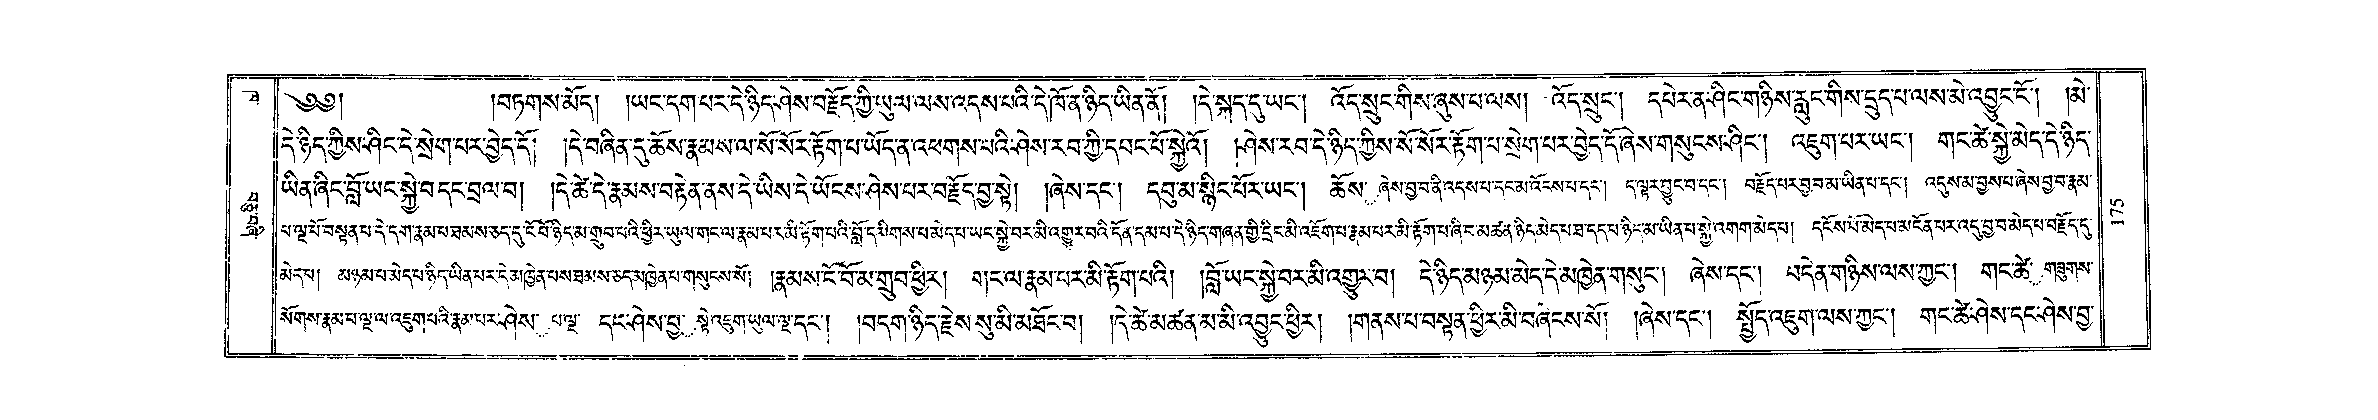༄༅། །བཏགས་མོད། །ཡང་དག་པར་དེ་ཉིད་ཤེས་བརྗོད་ཀྱི་ཡུལ་ལས་འདས་པའི་དེ་ཁོ་ན་ཉིད་ཡིན་ནོ། །དེ་སྐད་དུ་ཡང་། འོད་སྲུང་གིས་ཞུས་པ་ལས། འོད་སྲུང་། དཔེར་ན་ཤིང་གཉིས་རླུང་གིས་དྲུད་པ་ལས་མེ་འབྱུང་ངོ། །མེ་
དེ་ཉིད་ཀྱིས་ཤིང་དེ་སྲེག་པར་བྱེད་དོ། །དེ་བཞིན་དུ་ཆོས་རྣམས་ལ་སོ་སོར་རྟོག་པ་ཡོད་ན་འཕགས་པའི་ཤེས་རབ་ཀྱི་དབང་པོ་སྐྱེའོ། །ཤེས་རབ་དེ་ཉིད་ཀྱིས་སོ་སོར་རྟོག་པ་སྲེག་པར་བྱེད་དོ་ཞེས་གསུངས་ཤིང་། འཇུག་པར་ཡང་། གང་ཚེ་སྐྱེ་མེད་དེ་ཉིད་
ཡིན་ཞིང་བློ་ཡང་སྐྱེ་བ་དང་བྲལ་བ། །དེ་ཚེ་དེ་རྣམས་བརྟེན་ནས་དེ་ཡིས་དེ་ཡོངས་ཤེས་པར་བརྗོད་བྱ་སྟེ། །ཞེས་དང་། དབུ་མ་སྙིང་པོར་ཡང་། ཆོས་ཞེས་བྱ་བ་ནི་འདས་པ་དང་མ་འོངས་པ་དང་། ད་ལྟར་བྱུང་བ་དང་། བརྗོད་པར་བྱ་བ་མ་ཡིན་པ་དང་། འདུས་མ་བྱས་པ་ཞེས་བྱ་བ་རྣམ་
པ་ལྔ་པོ་བསྟན་པ་དེ་དག་རྣམ་པ་ཐམས་ཅད་དུ་ངོ་བོ་ཉིད་མ་གྲུབ་པའི་ཕྱིར་ཡུལ་གང་ལ་རྣམ་པར་མི་རྟོག་པའི་བློ་དམིགས་པ་མེད་པ་ཡང་སྐྱེ་བར་མི་འགྱུར་བའི་དོན་དམ་པ་དེ་ཉིད་གཞན་གྱི་དྲིང་མི་འཇོག་པ་རྣམ་པར་མི་རྟོག་པ་ཞིང་མཚན་ཉིད་མེད་པ་ཐ་དད་པ་ཉིད་མ་ཡིན་པ་སྐྱེ་འགག་མེད་པ། དངོས་པོ་མེད་པ་མངོན་པར་འདུ་བྱ་བ་མེད་པ་བརྗོད་དུ་
མེད་པ། མཉམ་པ་མེད་པ་ཉིད་ཡིན་པར་དེ་མཁྱེན་པས་ཐམས་ཅད་མཁྱེན་པ་གསུངས་སོ། །རྣམས་ངོ་བོ་མ་གྲུབ་ཕྱིར། གང་ལ་རྣམ་པར་མི་རྟོག་པའི། །བློ་ཡང་སྐྱེ་བར་མི་འགྱུར་བ། དེ་ཉིད་མཉམ་མེད་དེ་མཁྱེན་གསུང་། ཞེས་དང་། བདེན་གཉིས་ལས་ཀྱང་། གང་ཚེ་གཟུགས་
སོགས་རྣམ་པ་ལྔ་ལ་འཇུག་པའི་རྣམ་པར་ཤེས་པ་ལྔ་དང་ཤེས་བྱ་སྟེ་འཇུག་ཡུལ་ལྔ་དང་། །བདག་ཉིད་རྗེས་སུ་མི་མཐོང་བ། །དེ་ཚེ་མཚན་མ་མི་འབྱུང་ཕྱིར། །གནས་པ་བསྟན་ཕྱིར་མི་བཞེངས་སོ། །ཞེས་དང་། སྤྱོད་འཇུག་ལས་ཀྱང་། གང་ཚེ་ཤེས་དང་ཤེས་བྱ་